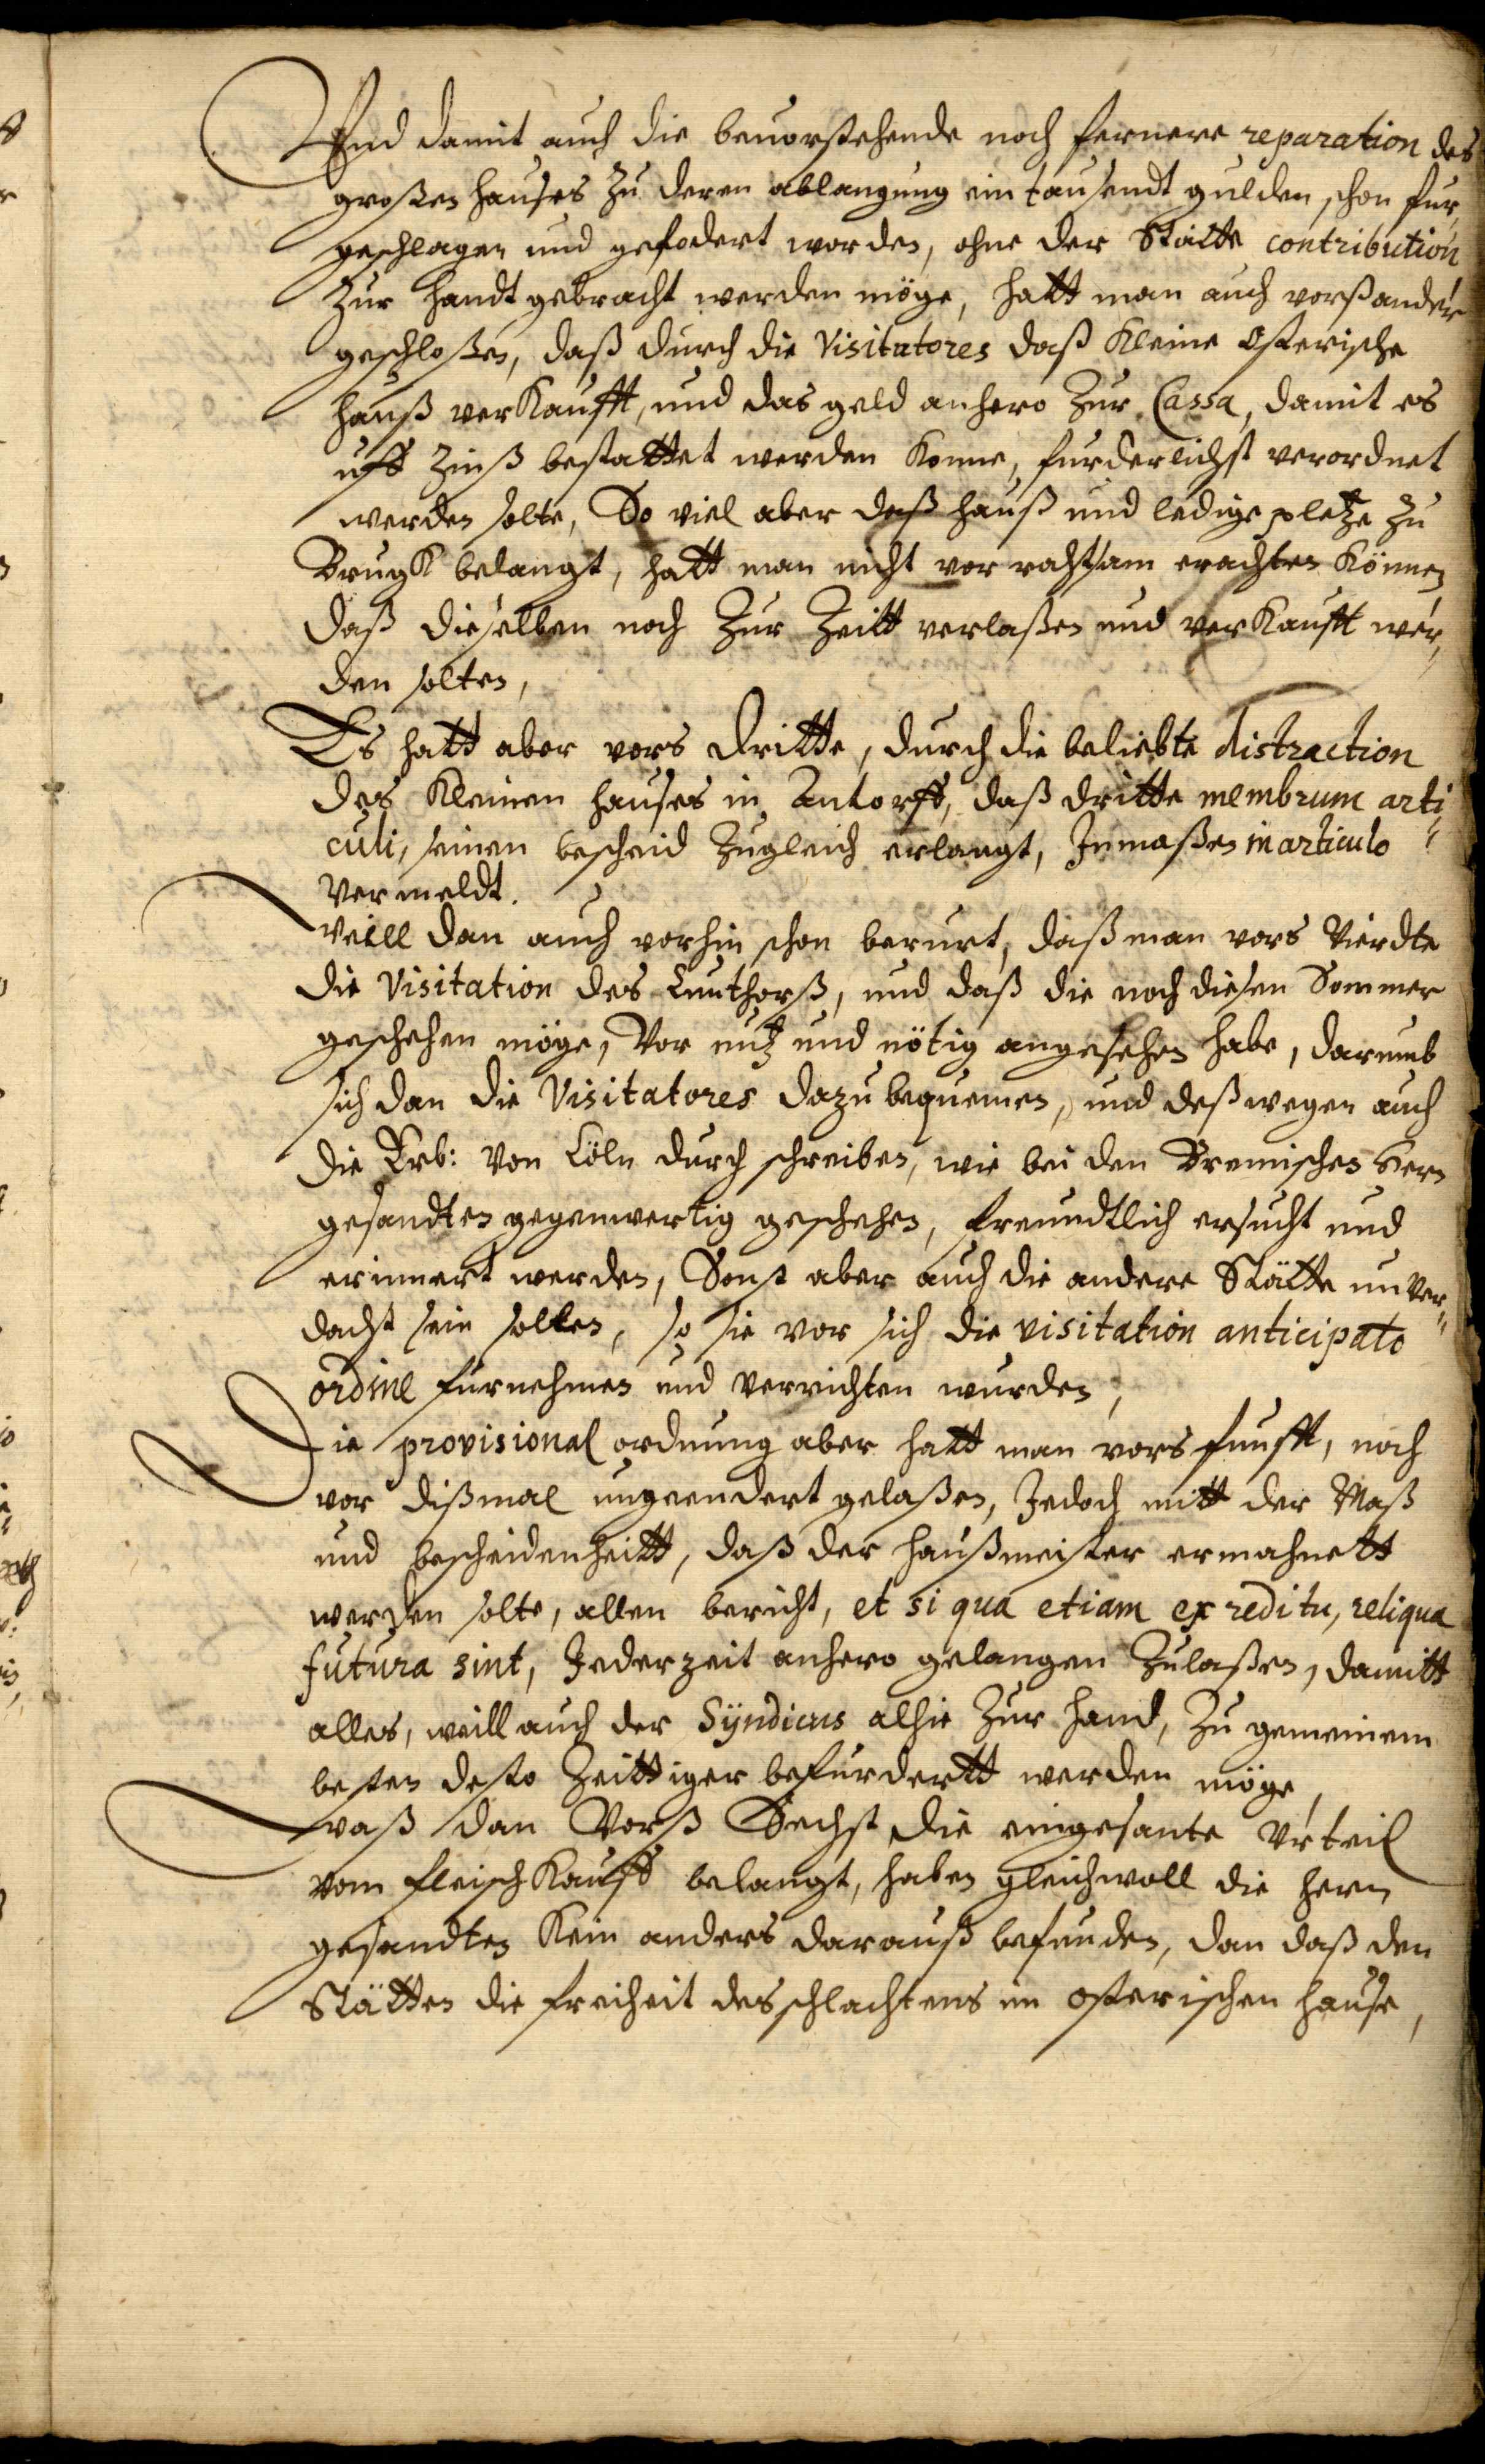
Vnd damit auch die beuorstehende noch fernere reparation des
großen hauses zu deren ablangung ein tansendt gulden schon fur
geschlagen und gefodert worden, ohne der Stätte contribution,
zur handt gebracht werden möge, hatt man auch vors ander
geschloßen, daß durch die Visitatores daß kleine Osterische
hauß verkaufft, und das geld anhero zur Cassa, damit es
uff zinß bestattet werden konne, furderlichst verordnet
werden solte, So viel aber daß hauß und ledige pletze zu
Brugk belangt, hatt man nicht vor rahtsam erachten können,
daß dieselben noch Zur Zeitt verlaßen und verkaufft wer¬
den solten,
Es hatt aber vors Dritte, durch die beliebte distraction
des Kleinen hauses in Antorff, daß dritte membrum arti¬
culi, seinen bescheid zugleich erlangt, Jnmaßen in articulo
vermeldt.
Weill dan auch vorhin schon berurt, daß man vors Vierdte
die Visitation des Cunthorß, und daß die noch diesen Sommer
geschehen möge, Vor nutz und nötig angesehen habe, darumb
sich dan die Visitatores dazu bequemen, und deßwegen auch
die Erb: von Cöln durch schreiben, wie bei den Bremischen Hern
gesandten gegenwertig geschehen, freundtlich ersucht und
erinnert werden, Sonst aber auch die andere Stätte nu ver¬
dacht sein sollen, so sie vor sich die visitation anticipato
ordine furnehmen und verrichten wurden,
Die provisional ordnung aber hatt man vors funfft, noch
vor dißmal ungeendert gelaßen, jedoch mitt der Maß
und bescheidenheitt, daß der haußmeister ermahnett
werden solte, allen bericht, et si qua etiam ex reditu, reliqua
futura sint, jederzeit anhero gelangen Zulaßen, damitt
alles, weill auch der Sijndicus alhie zur hand, Zu gemeinem
besten desto Zeittiger befurdertt werden möge,
Waß dan Vorß Sechst, die eingesante vrteil
vom fleischkauff belangt, haben gleichwoll die hern
gesandten kein anders darauß befunden, dan daß den
Stätten die freiheit des schlachtens im Osterischen hause,
